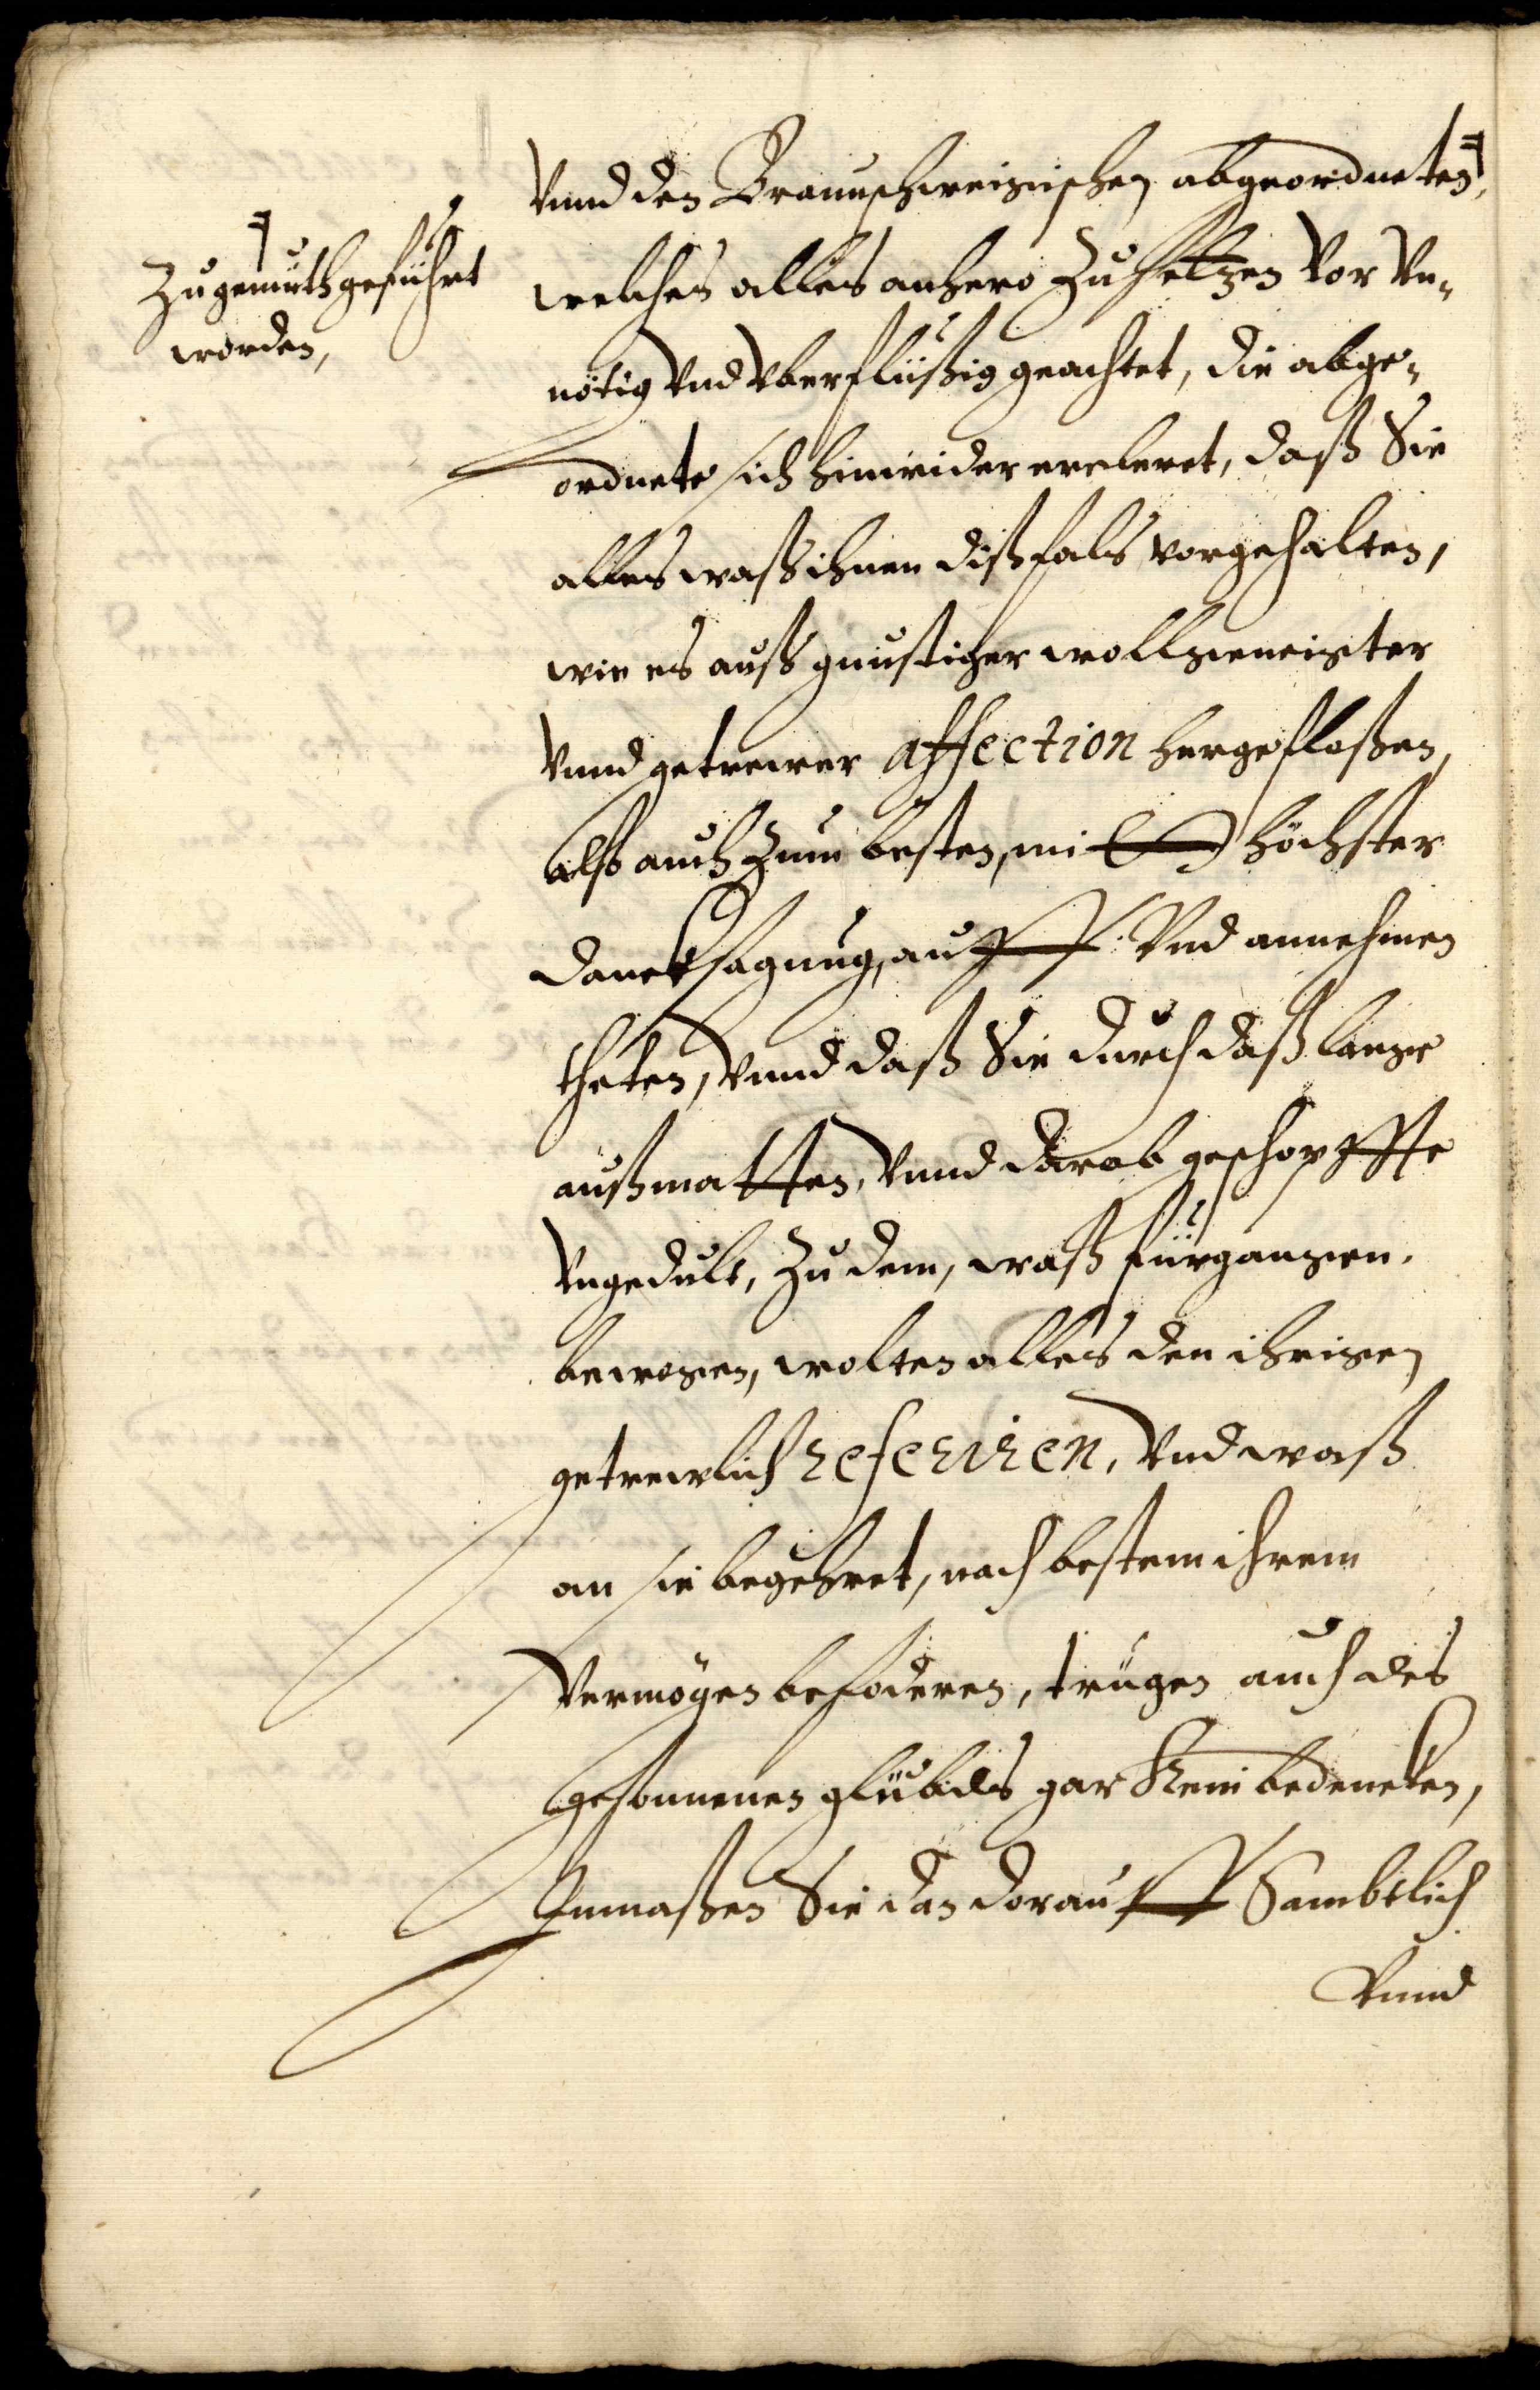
*
Zu gemüth geführt
worden,
Vnnd den Braunschweigischen abgeordneten *
welches alles anhero zusetzen Vor Vn¬
nötig Vnd Vberflüßig geachtet, die abge¬
ordnete sich hinwider ercleret, daß Sie
alles waß ihnen dißfals vorgehalten,
wie es auß gunstiger wollgeneigter
Vnnd getrewer affection hergefloßen,
also auch zum besten, mitt höchster
dancksagung, auff: Vnd annehmen
theten, Vnnd daß Sie durch daß lange
außmatten, Vnnd darob geschopffte
Vngedult, zu dem, waß fürgangen,
bewogen, wolten alles den ihrigen
getrewlich referieren, Vnd waß
an sie begehret, nach besten ihrem
Vermögen befoderen, trügen auch des
gesonnenen glübds gar Kein bedencken,
Inmaßen Sie dan dorauff Samtlich
Vnnd
